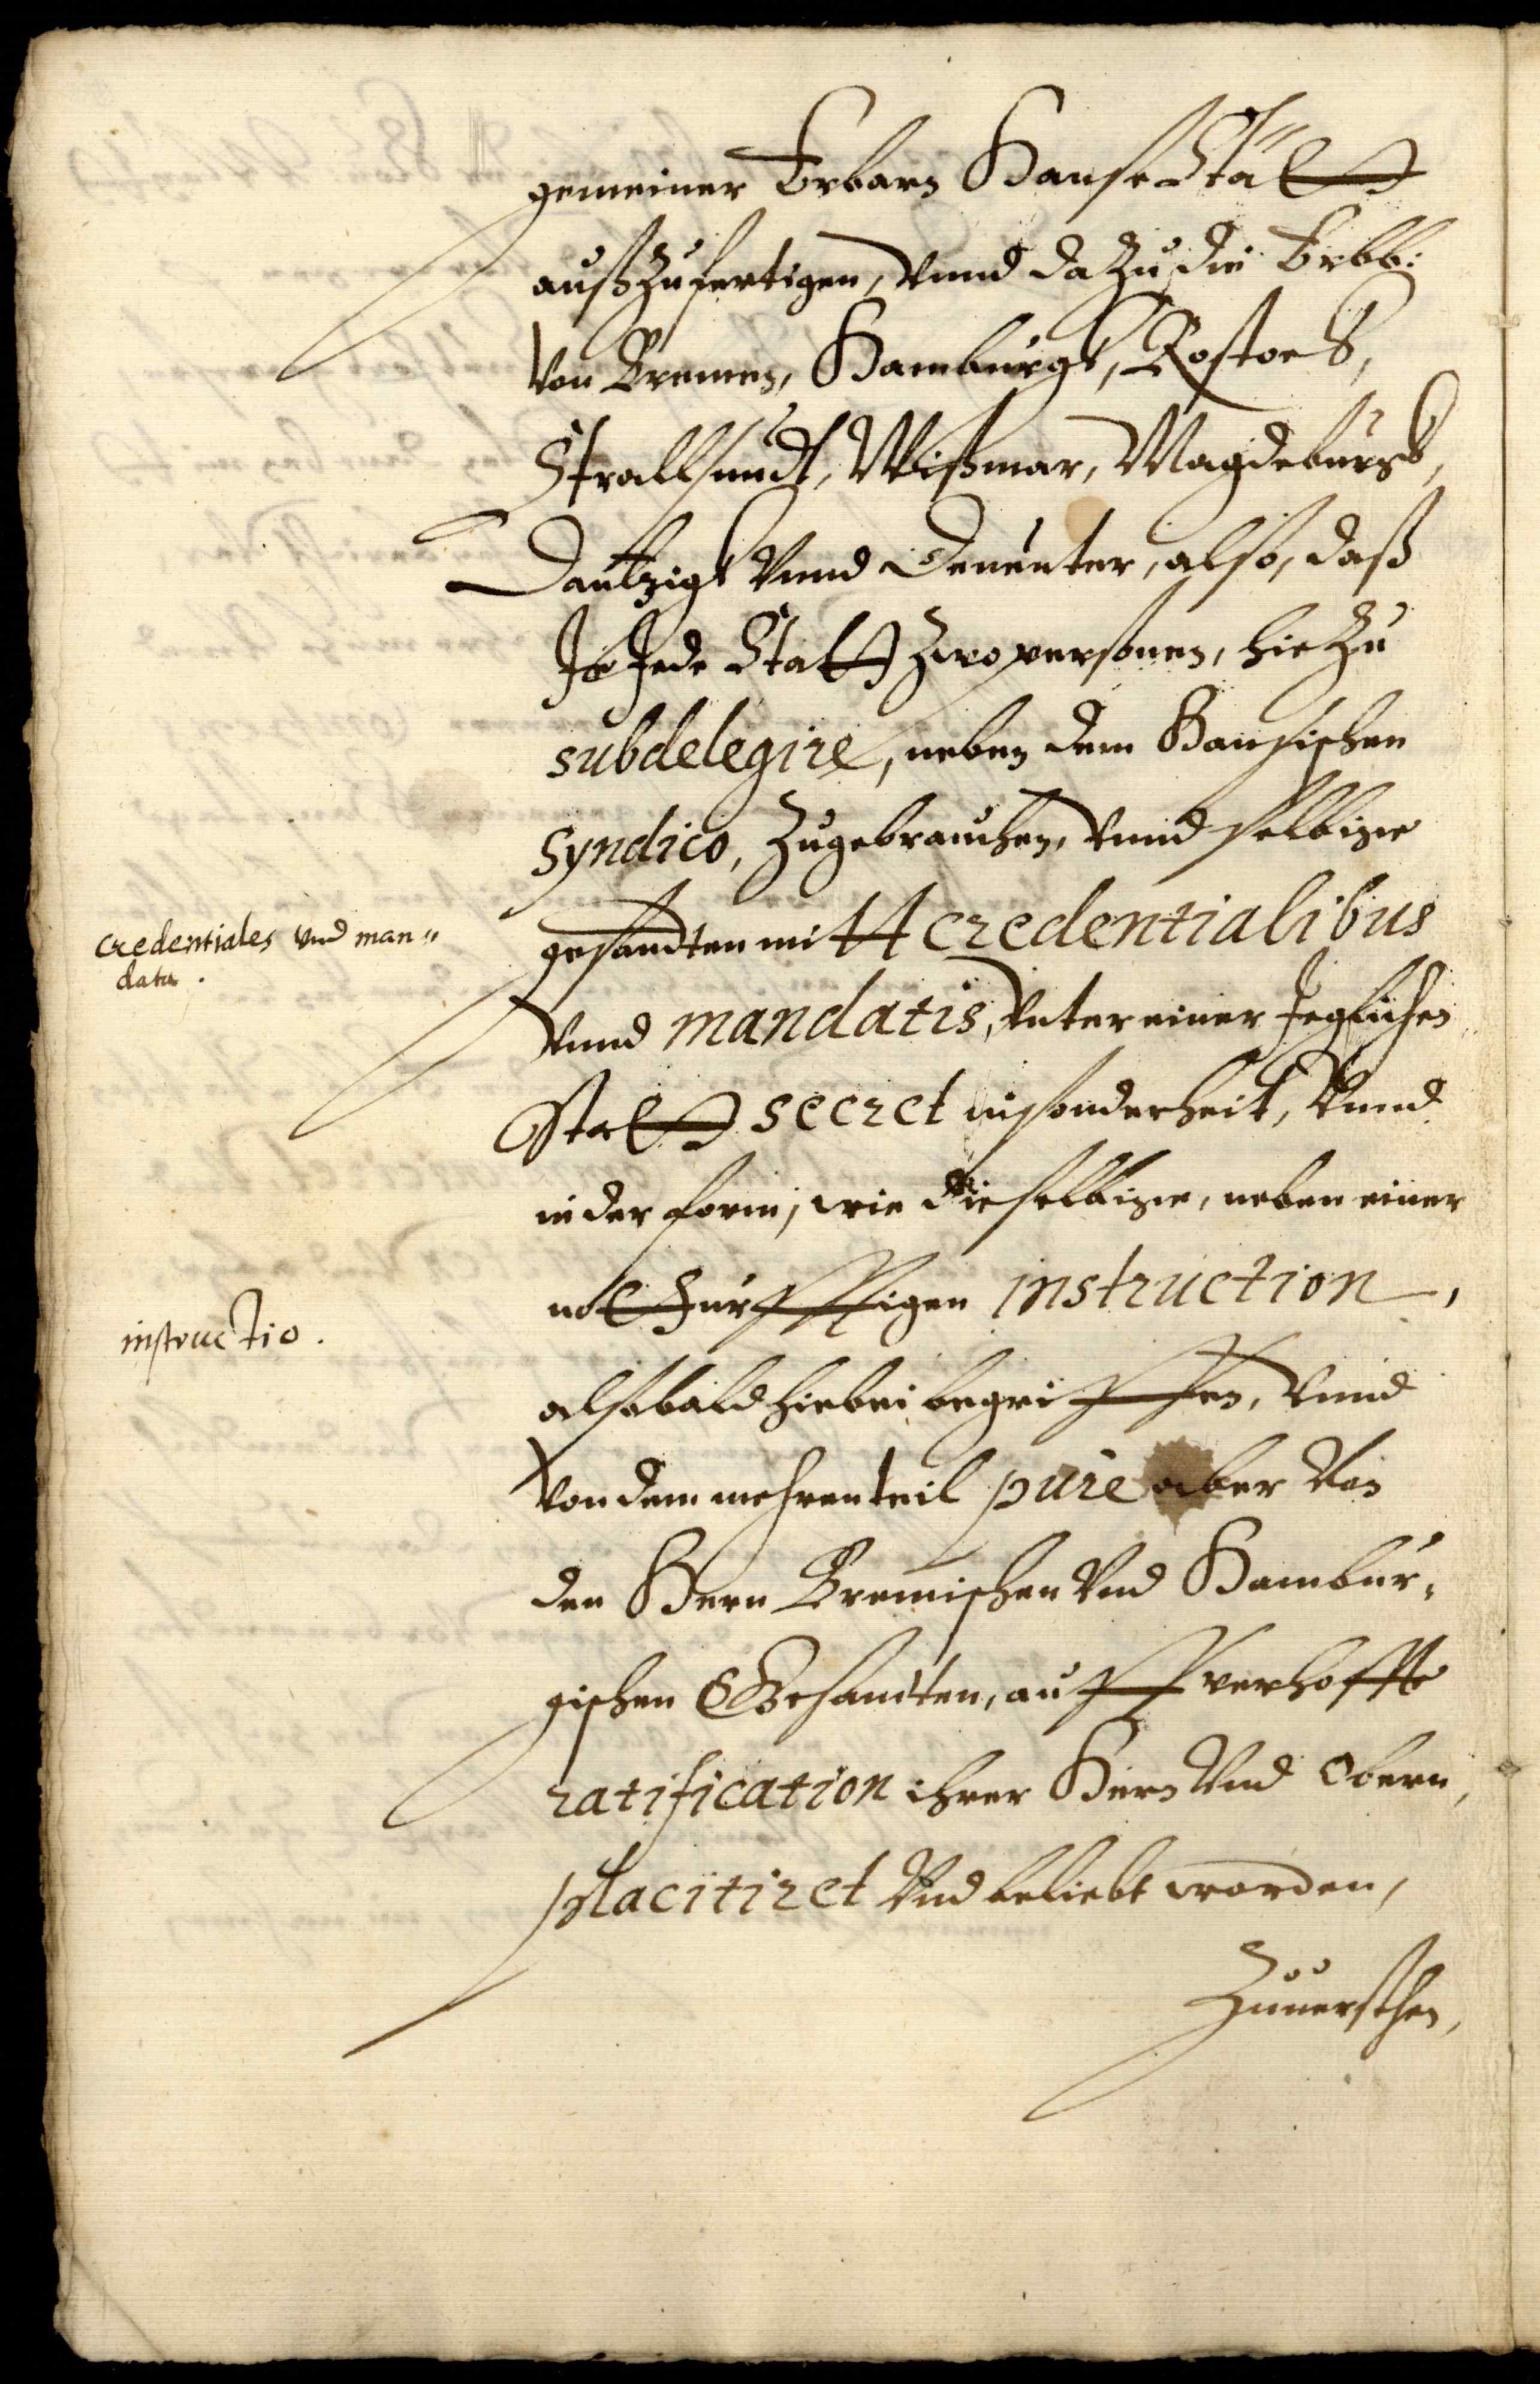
gemeiner Erbarn Hanse Stätt
außzufertigen, Vnnd dazu die Erbb:
Von Bremen, Hamburgk, Rostock,
Strallsundt, Wißmar, Magdeburgk,
Dantzigk, Vnd Deuenter, also, daß
Ja Jede Statt zwo personen, hiezu
subdelegire, neben dem Hansischen
Syndico, zugebrauchen, Vnnd selbige
gesandten mitt credentialibus
Vnnd mandatis, Vnter einer Jeglichen
Statt secret insonderheit, Vnnd
in der form, wie dieselbige, neben einer
notturfftigen instruction,
alsobald hiebei begriffen, Vnnd
Von dem mehrenteil pure aber Von
den Hern Bremischen Vnd Hambur¬
gischen Gesandten, auff verhoffte
ratification ihrer Hern Vnd Obern,
placitiret Vnd beliebt worden,
Zuuersthen,
credentiales vnd man¬
data.
instructio.
